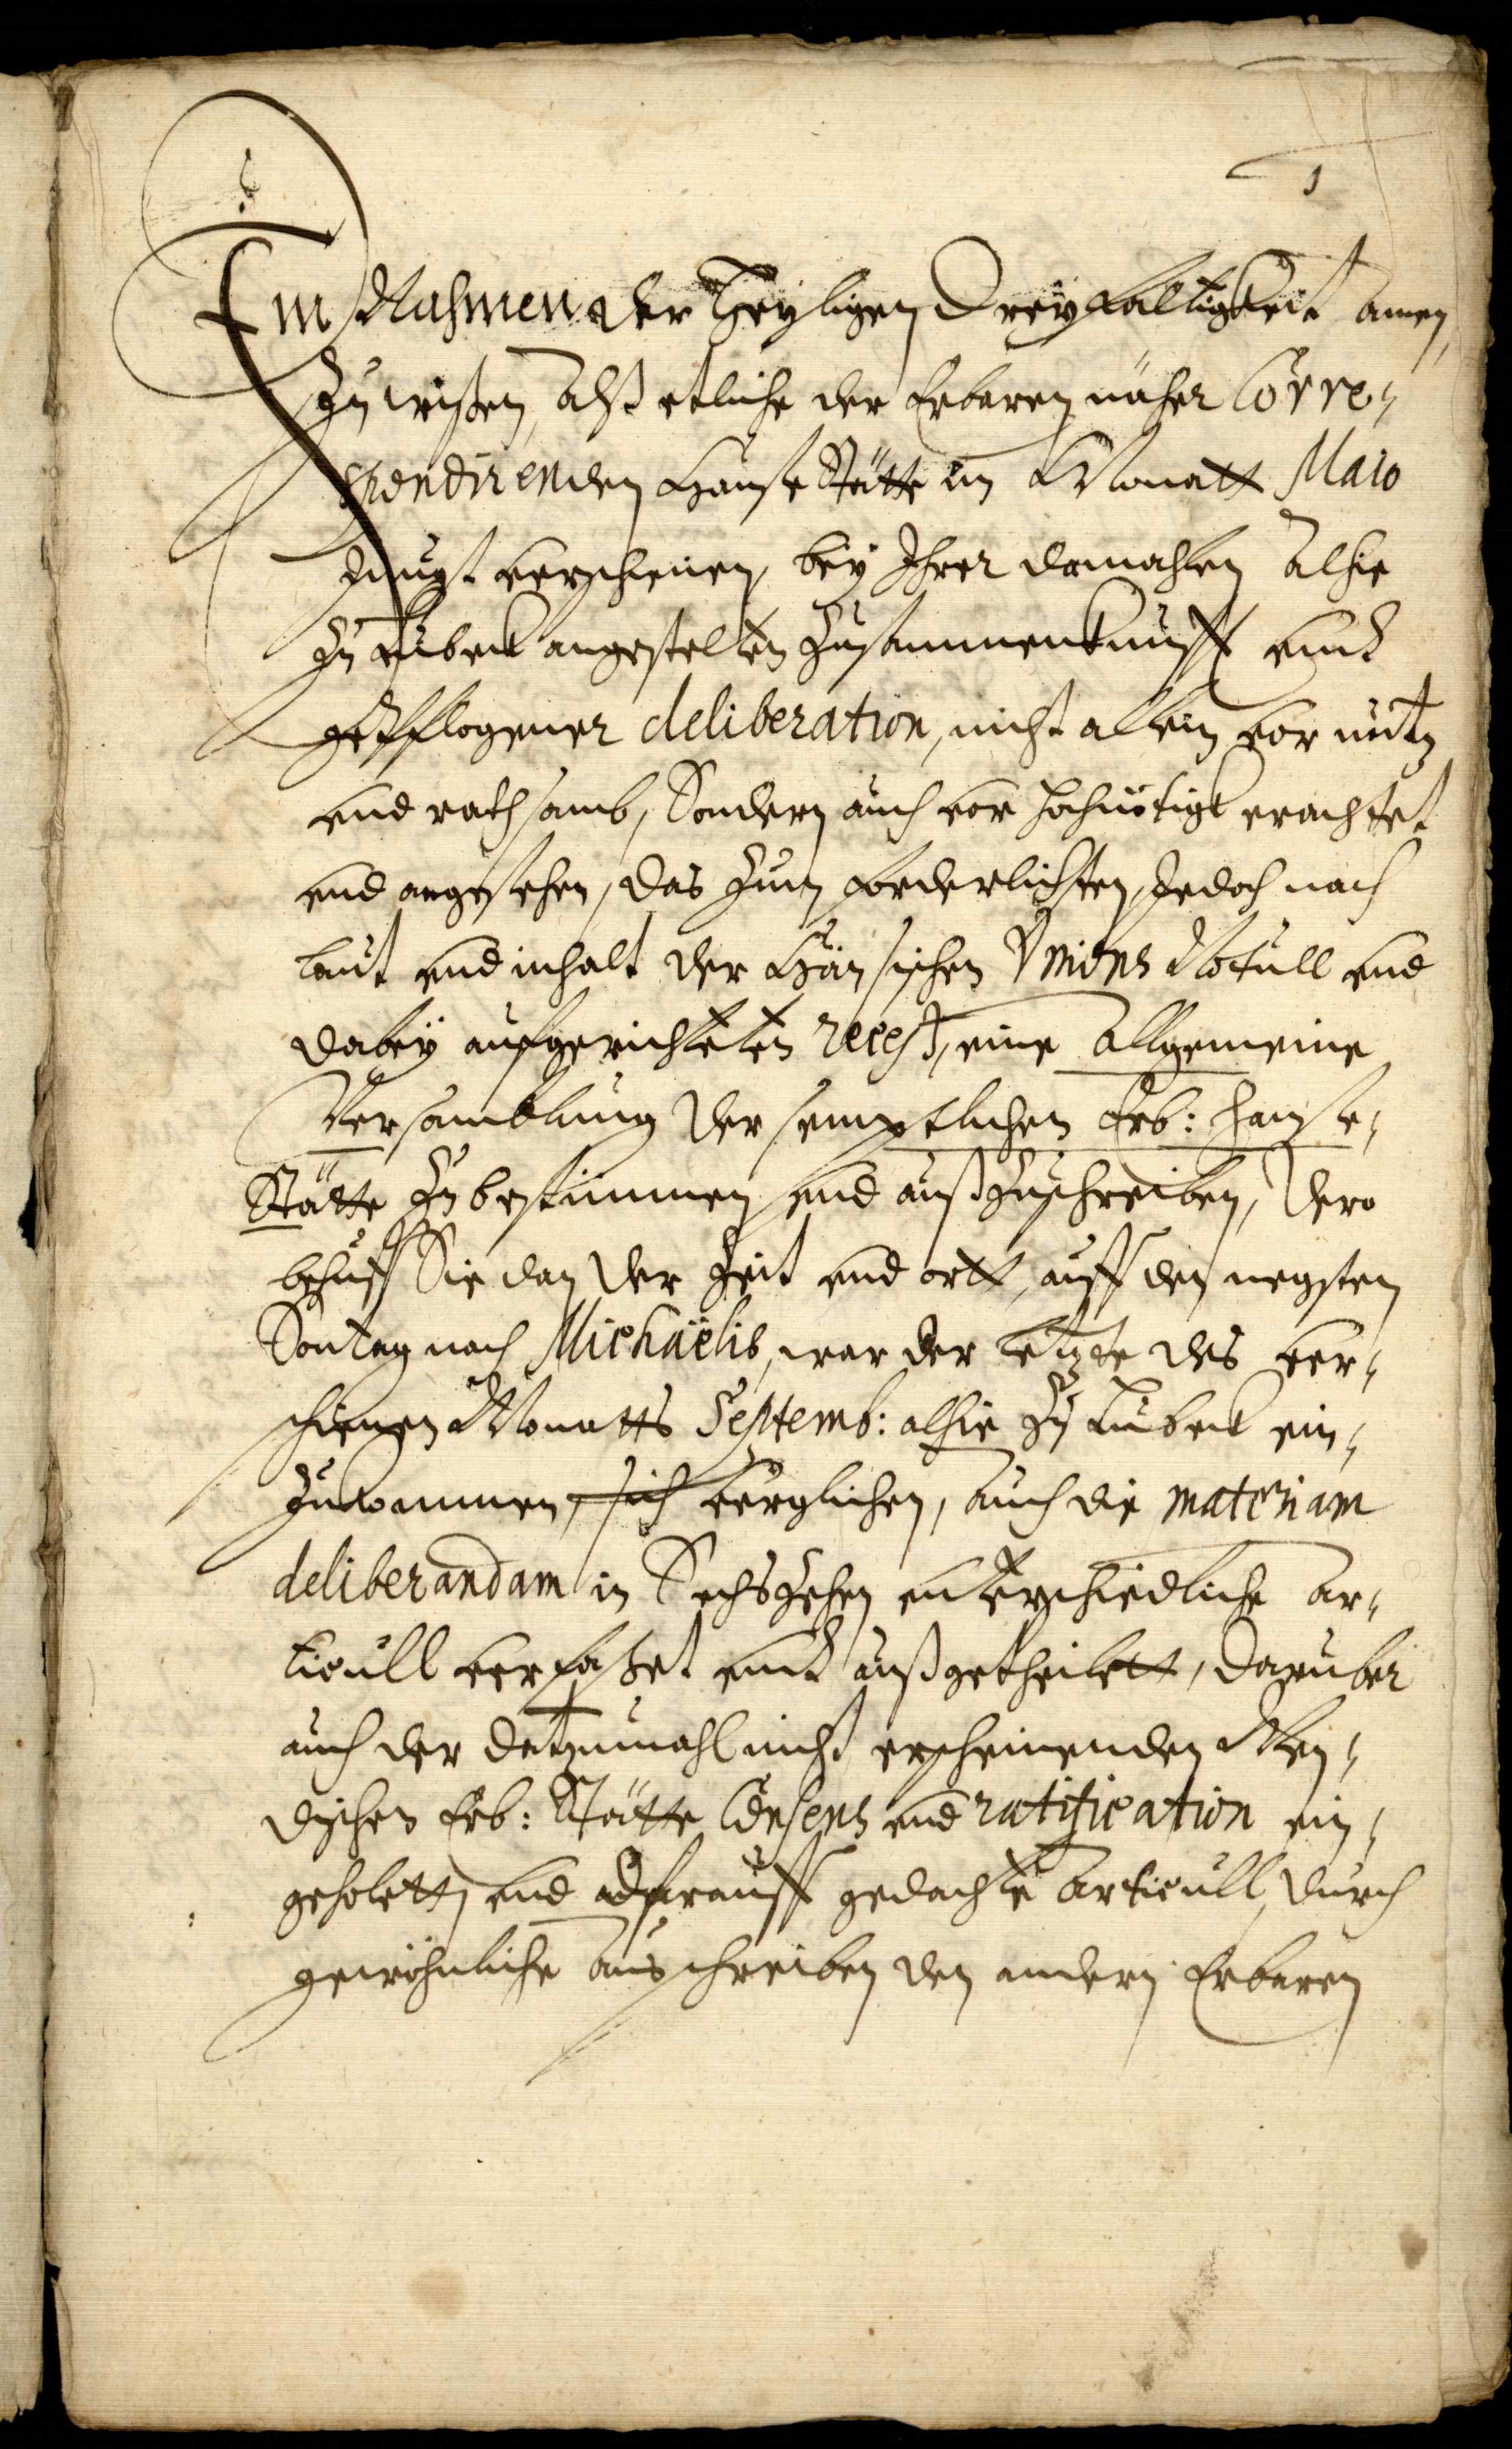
1
Im Nahmen der Heyligen Dreyfaltigkeit amen,
Zu wißen alß etliche der Erbaren näher Corre¬
spondirenden Hanse Stätte im Monatt Maio
Iungst verschienen, beij Ihrer damahlen alhie
zu Lubeck angestelten Zusammenkunft vndt
gePflogener deliberation, nicht allein vor nutz
und rathsamb, Sondern auch vor hochnötigk erachtet
vnd angesehen, das Zum forderlichsten, Iedoch nach
laut vnd inhalt der Hänsischen Vnions Notull vnd
dabeij aufgerichteten receß, eine allgemeine
Versamblung der semptlichen Erb: Hanse¬
Stätte Zu bestimmen vnd außZuschreiben, dero
behuff Sie dan der Zeit vnd ortt, auff den negsten
Sontag nach Michaelis, war der letzte des ver¬
schienen Monatts Septemb: alhie Zu Lubeck ein¬
Zukommen, sich verglichen, auch die materiam
deliberandam in SechsZehen vnterschiedliche ar¬
ticull verfaßet vndt außgetheilett, daruber
auch der datzumahl nicht erscheinenden Wen¬
dischen Erb: Stätte Consens vnd ratification ein¬
geholett, vnd darauff gedachte articull durch
gewöhnliche ausschreiben den andern Erbaren
